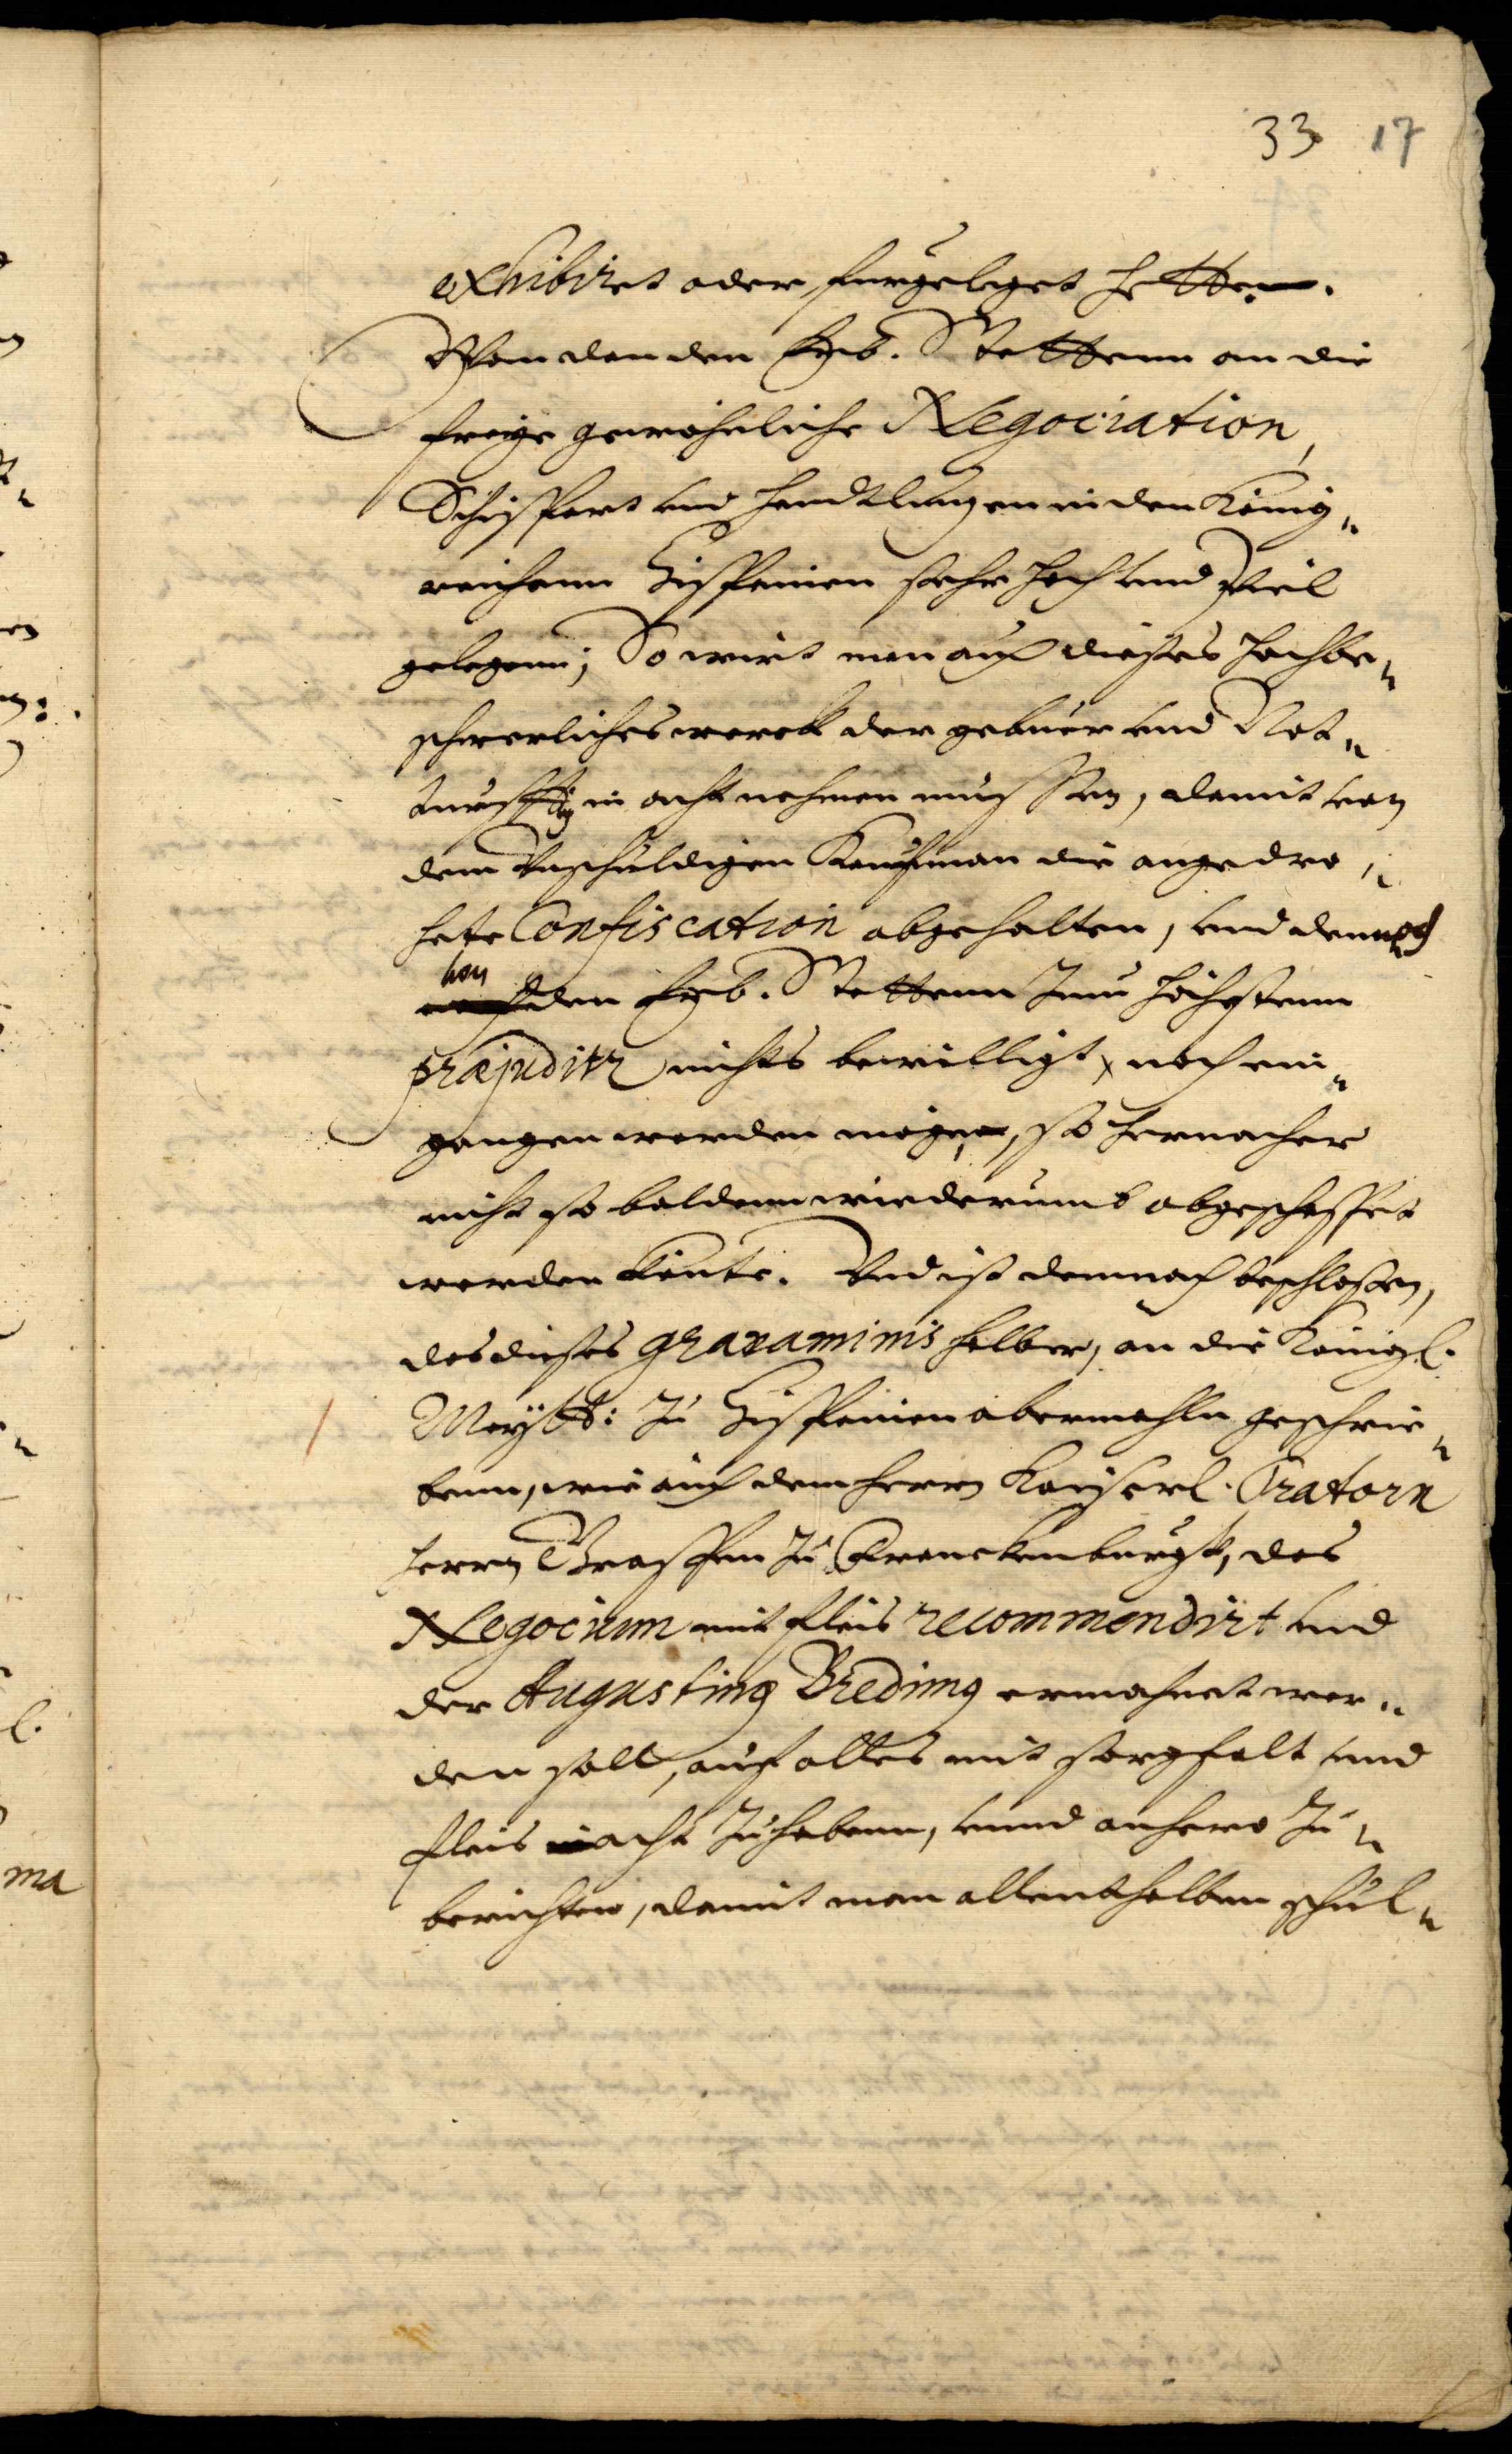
33
exhibiret oder, furgeleget hetten.
Wan dan den Erb. Stettenn an die
freige gewöhnliche Negociation,
Schiffart vnd handtlungen in den König¬
reichenn Hispanien sehr hoch vnd viel
gelegenn ; So wirt man auch dießes hochbe¬
schwerliches werck der gebuer vnd Not¬
turfftig in acht nehmen mussten, damit von
dem Vnschuldigen Kaufman die angedro¬
hete Confiscation abgehalten, vnd dennoch
von
noch den Erb. Stettenn zum höchstenn
Praejuditz nichts bewilligt, noch ein¬
gangen werden mögen, so hernacher
nicht so baldenn wiederumb abgeschaffet
werden könte. Vnd ist dennoch beschloßen,
das dießes gravaminis halber, an die Königl.
Maijtt: zu Hispanien abermahln geschrie¬
benn, wie auch dem herrn Kaijserl. Oratorn
herrn Graffen zu Franckenburgk, das
Negocium mit fleis recommendirt vnd
der Augustinus Bredimus ermahnet wer¬
den soll, auf alles mit sorgfalt vnd
fleis in acht zuhabenn, vnd anhero zu¬
berichten, damit man allenthalben schul¬
